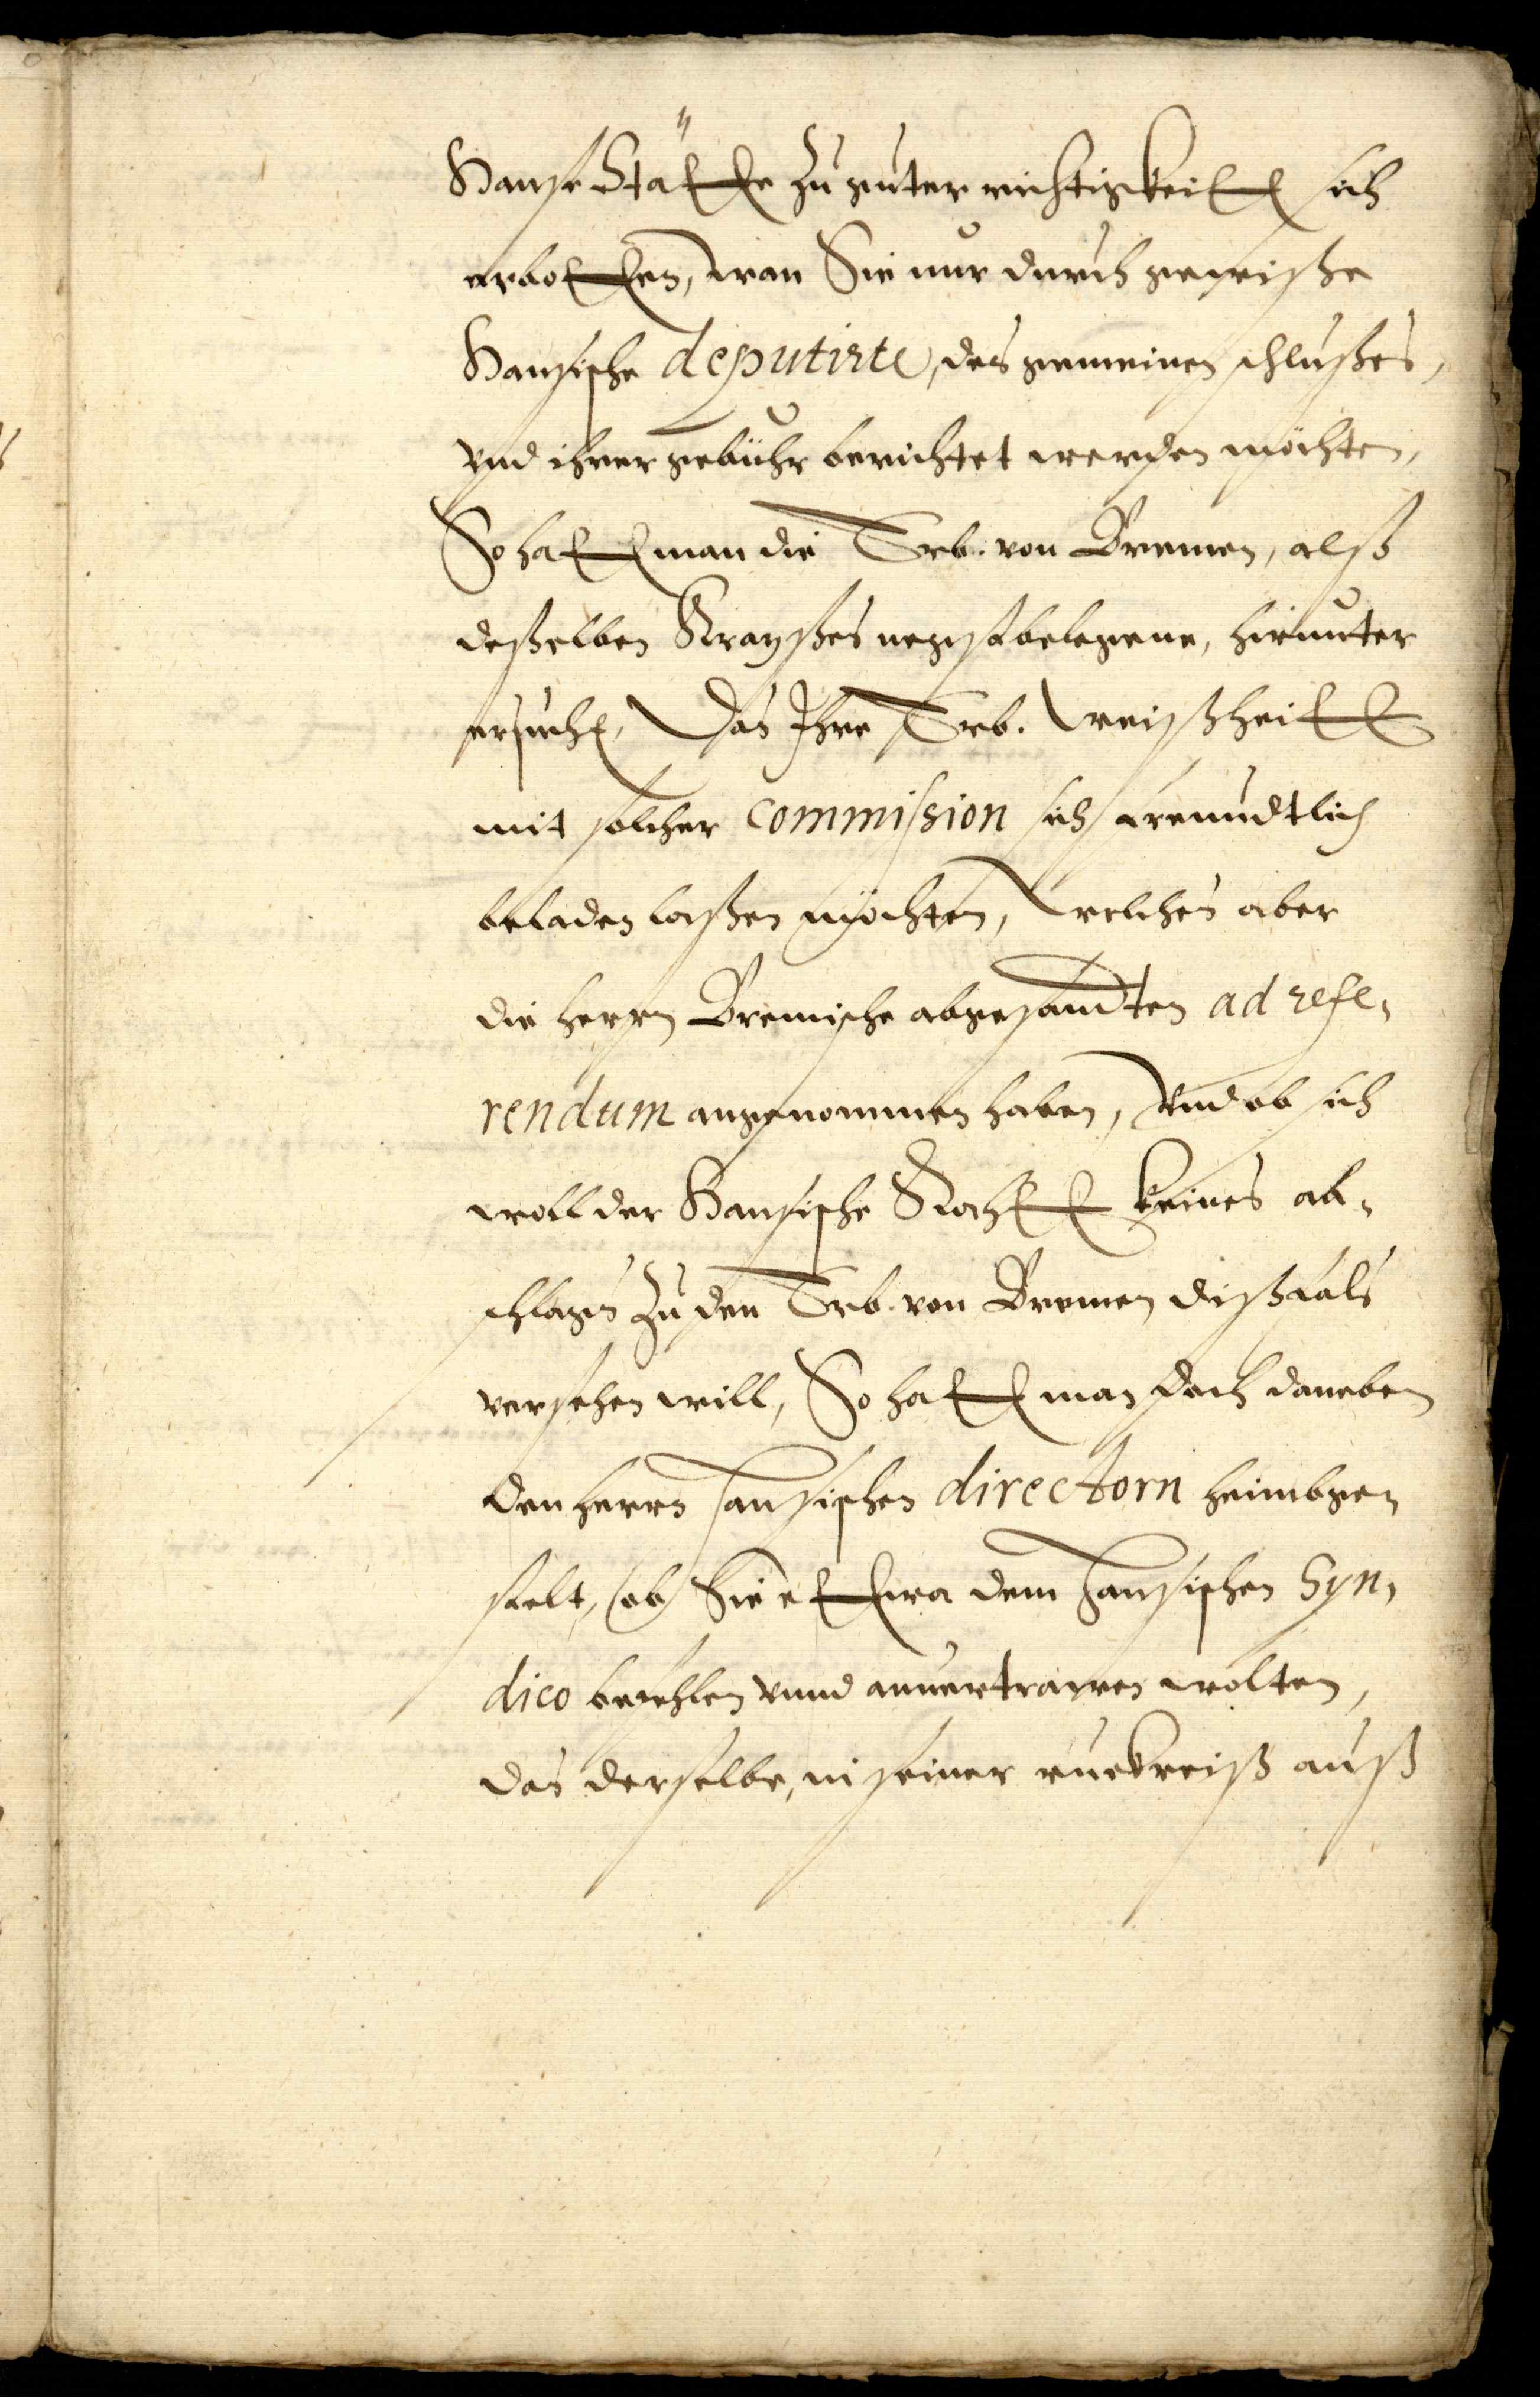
Hanse Stätte Zu guter richtigkeitt sich
erbotten, wan Sie nur durch gewiße
Hansische deputirte, des gemeinen schlußes,
vnd ihrer gebühr berichtet werden möchten,
So hatt man die Erb. von Bremen, alß
deßelben Krayßes negstbelegene, hirunter
ersucht, das Ihre Erb. Weißheitt
mit solcher commission sich freundtlich
beladen laßen möchten, welches aber
die herrn Bremische abgesandten ad refe¬
rendum angenommen haben, Vnd ob sich
woll der Hansische Rahtt keines ab¬
schlages Zu den Erb. von Bremen dißfals
versehen will, So hatt man doch daneben
den herrn Hansischen directorn heimbge¬
stelt, ob Sie ettwa dem Hansischen Syn¬
dico befehlen vnnd anuertrawen wolten,
das derselbe, in seiner ruckreiß auß
